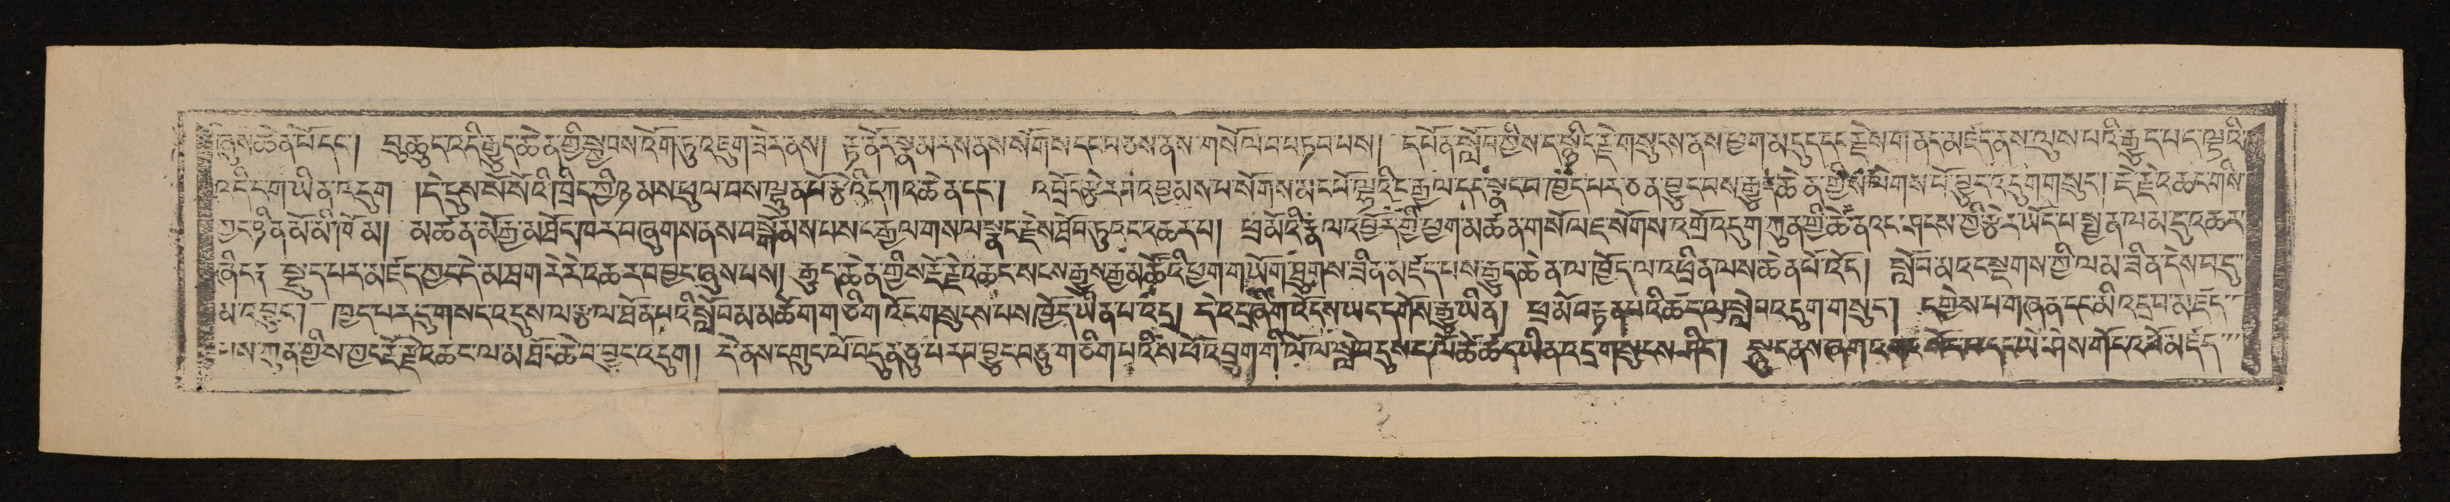ཞུས་ཆེན་པོ་དང་། བུ་ཆུང་འདི་རྒྱུད་ཆེན་གྱི་སྐྱབས་འོག་ཏུ་འཇུག་ཟེར་ནས། རྟ་ནོར་སྣམ་རས་ནས་སོགས་དང་བཅས་ནས་གསོལ་བ་བཏབ་པས། དཔོན་སློབ་ཀྱིས་ད་སྙིང་རྗེ་གསུངས་ནས་ཕྱག་མདུད་དང་རྗེས་གནང་མཛད་ནས་ལུས་པའི་རྒྱུད་པ་ད་ལྟའི་
འདི་དག་ཡིན་འདུག །དེ་དུས་སོ་སོའི་ཁྲིད་ཀྱི་ཉམས་ཕུལ་བས་ལྷུན་པོ་རྩེའི་དཀའ་ཆེན་དང་། འབྲོང་རྩེ་རབ་འབྱམས་པ་སོགས་མང་པོ་ལྷའི་ང་རྒྱལ་དང་སྣང་བ་ཁྱད་པར་ཅན་བྱུང་བས་རྒྱུད་ཆེན་གྱིས་ལེགས་པོ་བྱུང་འདུག་གསུང་། རྡོ་རྗེ་འཆང་གིས་
ཀྱང་ཉིན་མོ་མི་ཁོམ། མཚན་མོ་རྒྱ་མཐོང་ཁར་བཞུགས་ནས་བསྒོམས་པས་ང་རྒྱལ་གསལ་སྣང་རྗེས་ཐོབ་ཏུའང་འཆར་བ། ཕྲ་མོའི་རྣལ་འབྱོར་གྱི་ཕྱག་མཚན་གསོལ་ཇ་སོགས་འགྲོ་འདུག་ཀུན་གྱི་ཚེ་ནའང་ཤངས་ཀྱི་རྩེར་ཡོད་པ་སྤྱན་ལམ་དུ་འཆར་
ཞིང༑ སྡུད་པར་མཛད་ཀྱང་དེ་མ་ཐག་རེ་རེ་འཆར་བ་བྱུང་ཞུས་པས། རྒྱུད་ཆེན་གྱིས་རྡོ་རྗེ་འཆང་སངས་རྒྱས་རྒྱ་མཚོའི་ཕྱག་གཡོག་ཐུགས་ཟིན་མཛད་པས་རྒྱུད་ཆེན་ལ་ཁྱོད་ལ་འཕྲིན་ལས་ཆེན་པོ་འོང་། སློབ་མའང་སྔགས་ཀྱི་ལམ་ཟིན་ངེས་པ་དུ་
མ་འབྱུང་། ཁྱད་པར་དུ་གསང་འདུས་ལ་རྩལ་ཐོན་པའི་སློབ་མ་མཆོག་གཅིག་འོང་གསུངས་པས་ཁྱོད་ཡིན་པ་འདྲ། དེ་འདྲ་ཞིག་འོངས་ཡང་དགོས་རྒྱུ་ཡིན། ཕྲ་མོ་བརྟན་པའི་ཚད་ལ་སླེབ་འདུག་གསུང་། དགྱེས་པ་གཞན་དང་མི་འདྲ་བ་མཛད་
པས་ཀུན་གྱིས་ཀྱང་རྡོ་རྗེ་འཆང་ལ་མཐོང་ཆེ་བ་བྱུང་འདུག། དེ་ནས་དགུང་ལོ་བདུན་ཅུ་པ་རབ་བྱུང་བཅུ་གཅིག་པའི་ས་ཕོ་འབྲུག་གི་ལོ་ལ་སླེབ་དུས་ད་ལོ་ཚེ་ཚད་ཡིན་འདྲ་གསུངས་ཤིང་། སྙུང་ནས་ཞག་འགའ་སོང་བ་དང་ཡེ་ཤེས་གོང་འཕོ་མཛད་